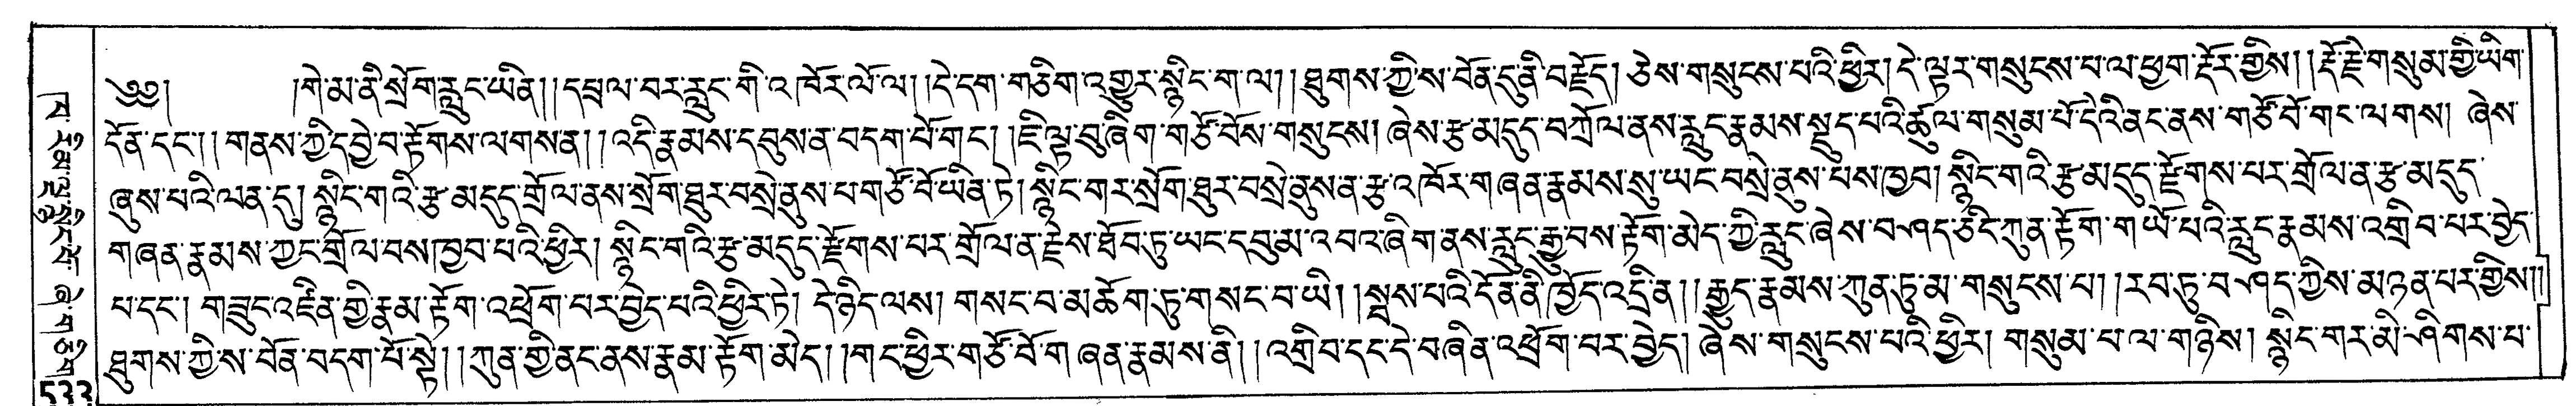༄༅། །གེ་མ་ནི་སྲོག་རླུང་ཡིན། །དཔྲལ་བར་རླུང་གི་འཁོར་ལོ་ལ། །དེ་དག་གཅིག་འགྱུར་སྙིང་ག་ལ། །ཐུགས་ཀྱི་ས་བོན་དུ་ནི་བརྗོད། ཅེས་གསུངས་པའི་ཕྱིར། དེ་ལྟར་གསུངས་པ་ལ་ཕྱག་རྡོར་གྱིས། །རྡོ་རྗེ་གསུམ་གྱི་ཡིག་
དོན་དང་། །གནས་ཀྱི་དབྱེ་བ་རྟོགས་ལགས་ན། །འདི་རྣམས་དབུས་ན་བདག་པོ་གང་། །ཇི་ལྟ་བུ་ཞིག་གཙོ་བོས་གསུངས། ཞེས་རྩ་མདུད་བཀྲོལ་ནས་རླུང་རྣམས་སྡུད་པའི་ཚུལ་གསུམ་པོ་དེའི་ནང་ནས་གཙོ་བོ་གང་ལགས། ཞེས་
ཞུས་པའི་ལན་དུ། སྙིང་གའི་རྩ་མདུད་གྲོལ་ནས་སྲོག་ཐུར་བསྲེ་ནུས་པ་གཙོ་བོ་ཡིན་ཏེ། སྙིང་གར་སྲོག་ཐུར་བསྲེ་ནུས་ན་རྩ་འཁོར་གཞན་རྣམས་སུ་ཡང་བསྲེ་ནུས་པས་ཁྱབ། སྙིང་གའི་རྩ་མདུད་རྫོགས་པར་གྲོལ་ན་རྩ་མདུད་
གཞན་རྣམས་ཀྱང་གྲོལ་བས་ཁྱབ་པའི་ཕྱིར། སྙིང་གའི་རྩ་མདུད་རྫོགས་པར་གྲོལ་ན་རྗེས་ཐོབ་ཏུ་ཡང་དབུ་མ་འབའ་ཞིག་ནས་རླུང་རྒྱུ་བས་རྟོག་མེད་ཀྱི་རླུང་ཞེས་བཤད་ཅིང་ཀུན་རྟོག་གཡོ་པའི་རླུང་རྣམས་འགྲིབ་པར་བྱེད་
པ་དང་། གཟུང་འཛིན་གྱི་རྣམ་རྟོག་འཕྲོག་པར་བྱེད་པའི་ཕྱིར་ཏེ། དེ་ཉིད་ལས། གསང་བ་མཆོག་ཏུ་གསང་བ་ཡི། །སྦས་པའི་དོན་ནི་ཁྱོད་འདྲི་ན། །རྒྱུད་རྣམས་ཀུན་ཏུ་མ་གསུངས་པ། །རབ་ཏུ་བཤད་ཀྱིས་མཉན་པར་གྱིས། །
ཐུགས་ཀྱི་ས་བོན་བདག་པོ་སྟེ། །ཀུན་གྱི་ནང་ནས་རྣམ་རྟོག་མེད། །གང་ཕྱིར་གཙོ་བོ་གཞན་རྣམས་ནི། །འགྲིབ་དང་དེ་བཞིན་འཕྲོག་པར་བྱེད། ཞེས་གསུངས་པའི་ཕྱིར། གསུམ་པ་ལ་གཉིས། སྙིང་གར་མི་ཤིགས་པ་